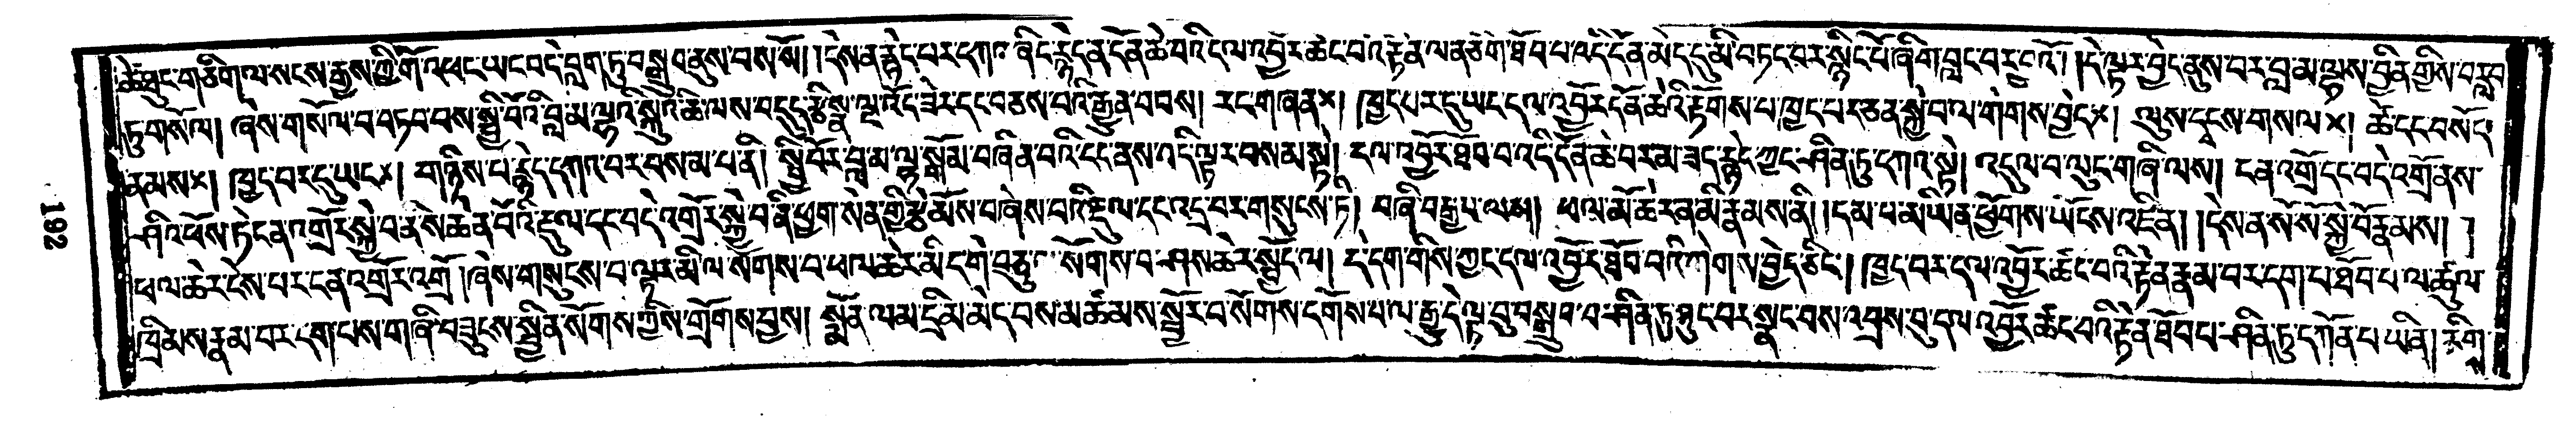ཚེ་ཐུང་གཅིག་ལ་སངས་རྒྱས་ཀྱི་གོ་འཕང་ཡང་བདེ་བླག་ཏུ་བསྒྲུབ་ནུས་བས་སོ། །དེས་ན་རྙེད་པར་དཀའ་ཞིང་རྙེད་ན་དོན་ཆེ་བའི་དལ་འབྱོར་ཚང་བའི་རྟེན་ལན་ཅིག་ཐོབ་པ་འདི་དོན་མེད་དུ་མི་བཏང་བར་སྙིང་པོ་ཞིག་བླང་བར་བྱའོ། །དེ་ལྟར་བྱེད་ནུས་པར་བླ་མ་ལྷས་བྱིན་གྱིས་བརླབས་
ཏུ་གསོལ། ཞེས་གསོལ་བ་བཏབ་པས་སྤྱི་བོའི་བླ་མ་ལྷའི་སྐུའི་ཆི་ལས་བདུད་རྩི་སྣ་ལྔ་འོད་ཟེར་དང་བཅས་བའི་རྒྱུན་བབས། རང་གཞན་྾། ཁྱད་པར་དུ་ཡང་དལ་འབྱོར་དོན་ཆེའི་རྟོགས་པ་ཁྱད་པར་ཅན་སྐྱེ་བ་ལ་གེགས་བྱེད་྾། ལུས་དྭངས་གསལ་྾། ཚེ་དང་བསོད་
ནམས་྾། ཁྱད་པར་དུ་ཡང་྾། གཉིས་པ་རྙེད་དཀའ་བར་བསམ་པ་ནི། སྦྱི་བོར་བླ་མ་ལྷ་སྒོམ་བཞིན་བའི་ངང་ནས་འདི་ལྟར་བསམ་སྟེ། དལ་འབྱོར་ཐོབ་བ་འདི་དོན་ཆེ་བར་མ་ཟད་རྙེད་ཀྱང་ཤིན་ཏུ་དཀའ་སྟེ། འདུལ་བ་ལུང་གཞི་ལས། ངན་འགྲོ་དང་བདེ་འགྲོ་ནས་
ཤི་འཕོས་ཏེ་ངན་འགྲོར་སྐྱེ་བ་ནི་ས་ཆེན་པོའི་རྡུལ་དང་བདེ་འགྲོར་སྐྱེ་བ་ནི་ཕྱག་སེན་གྱི་རྩོམས་བཞེས་བའི་རྡུལ་དང་འདྲ་བར་གསུངས་ཏི། བཞི་བརྒྱ་པ་ལམ། ཕལ་མོ་ཆེར་ན་མི་རྣམས་ནི། །དམ་པ་མ་ཡིན་ཕྱོགས་ཡོངས་འཛིན། །དེས་ན་སོ་སོ་སྐྱེ་བོ་རྣམས། །
ཕལ་ཆེར་ངེས་པར་ངན་འགྲོར་འགྲོ་།ཞེས་གསུངས་བ་ལྟར་མི་ལ་སོགས་པ་ཕལ་ཆེར་མི་དགེ་བཅུ་ལ་སོགས་བཤས་ཆེར་སྤྱོད་ལ། དེ་དག་གིས་ཀྱང་དལ་འབྱོར་ཐོབ་བའི་གེགས་བྱེད་ཅིང་། ཁྱད་པར་དལ་འབྱོར་ཚང་བའི་རྟེན་རྣམ་པར་དག་པ་ཐོབ་པ་ལ་ཚུལ་
ཁྲིམས་རྣམ་པར་དག་པས་གཞི་བཟུངས་སྦྱིན་སོགས་ཀྱིས་གྲོགས་བྱས། སྨོན་ལམ་དྲི་མ་མེད་བས་མཚམས་སྦྱོར་བ་སོགས་དགོས་པ་ལ་རྒྱུ་དེ་ལྟ་བུ་བསྒྲུབ་བ་ཤིན་ཏུ་ཉུང་བར་སྣང་བས་འབྲས་བུ་དལ་འབྱོར་ཚང་བའི་རྟེན་ཐོབ་པ་ཤིན་ཏུ་དཀོན་པ་ཡིན། རིགས་